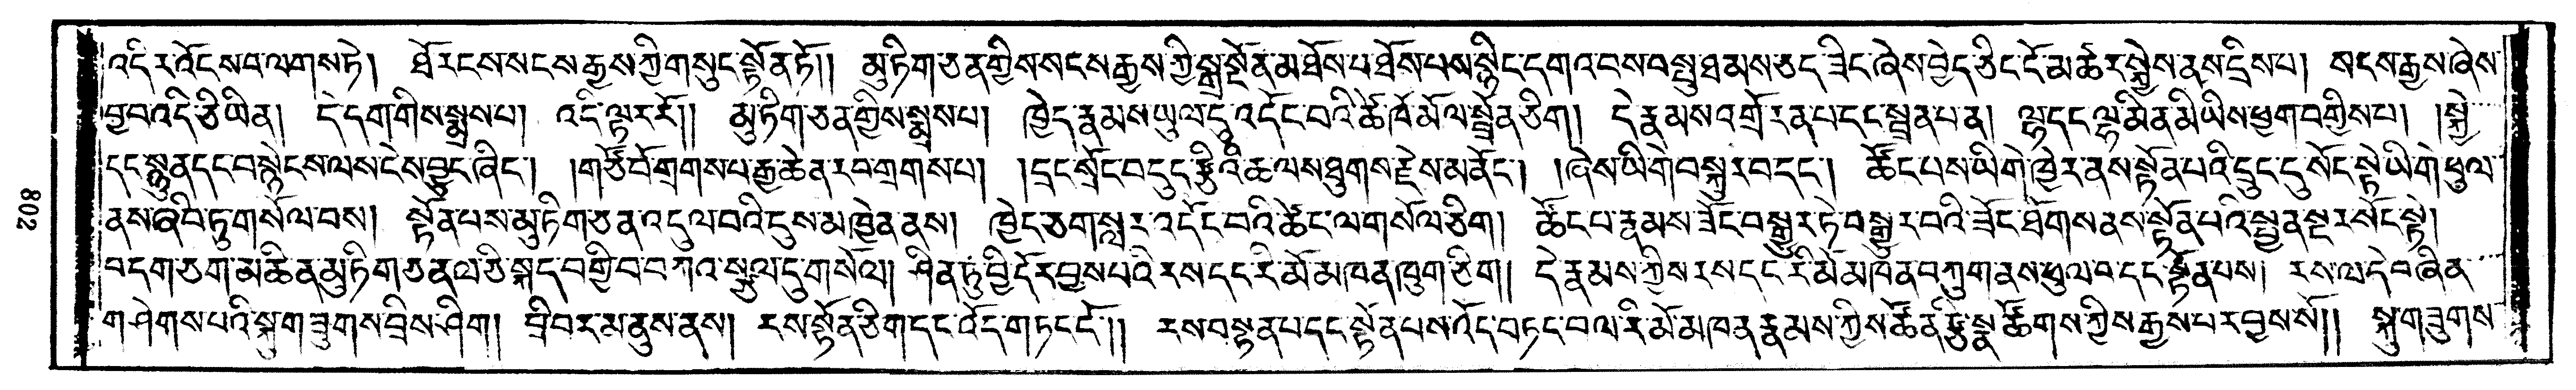འདིར་འོངས་བ་ལགས་ཏེ། ཐོ་རངས་སངས་རྒྱས་ཀྱི་གསུང་སྟོན་ཏོ།། མུ་ཏིག་ཅན་གྱིས་སངས་རྒྱས་ཀྱི་སྒྲ་སྔོན་མཐོས་པ་ཐོས་པས་སྙིང་དགའ་བས་བ་སྤུ་ཐམས་ཅད་ཟིང་ཞེས་བྱེད་ཅིང་ངོ་མཚར་སྐྱེས་ནས་དྲིས་པ། སངས་རྒྱས་ཞེས་
བྱ་བ་འདི་ཅི་ཡིན། དེ་དག་གིས་སྨྲས་པ། འདི་ལྟར་རོ།། མུ་ཏིག་ཅན་གྱིས་སྨྲས་པ། ཁྱེད་རྣམས་ཡུལ་དུ་འོང་བའི་ཚེ་ཁོ་མོ་ལ་སྦྲོན་ཅིག། དེ་རྣམས་འགྲོ་རན་པ་དང་སྦྲན་པ་ན། ལྷ་དང་ལྷ་མིན་མི་ཡིས་ཕྱག་བགྱིས་པ། །སྐྱེ་
དང་སྙུན་དང་བསྙེངས་ལས་ངེས་བྱུང་ཞིང་། །གཙོ་བོ་གྲགས་པ་རྒྱ་ཆེན་རབ་གྲགས་པ། །དྲང་སྲོང་བདུད་རྩིའི་ཆ་ལས་ཐུགས་རྗེས་མནོང་། །ཞེས་ཡི་གེ་བསྐུར་བ་དང་། ཚོང་པས་ཡི་གེ་ཁྱེར་ནས་སྟོན་པའི་དྲུང་དུ་སོང་སྟེ་ཡི་གེ་ཕུལ་
ནས་ཞིབ་ཏུ་གསོལ་བས། སྟོན་པས་མུ་ཏིག་ཅན་འདུལ་བའི་དུས་མཁྱེན་ནས། ཁྱེད་ཅག་སླར་འདོང་བའི་ཚེང་ལ་གསོལ་ཅིག། ཚོང་པ་རྣམས་ཟོང་བསྒྱུར་ཏེ་བསྒྱུར་བའི་ཟོང་ཐོགས་ནས་སྟོན་པའི་སྤྱན་སྔར་སོང་སྟེ།
བདག་ཅག་མཆིན་མུ་ཏིག་ཅན་ལ་ཅི་སྐད་བགྱི་བ་བཀའ་སྩལ་དུ་གསོལ། ཤིན་ཏུ་བྱི་དོར་བྱས་པའི་རས་དང་རི་མོ་མཁན་ཁུག་ཅིག། དེ་རྣམས་ཀྱིས་རས་དང་རི་མོ་མཁན་བཀུག་ནས་ཕུལ་བ་དང་སྟོན་པས། རས་ལ་དེ་བཞིན་
གཤེགས་པའི་སྐུ་གཟུགས་བྲིས་ཤིག། བྲི་བར་མ་ནུས་ནས། རས་སྟོན་ཅིག་དང་འོད་གཏང་ངོ།། རས་བསྟན་པ་དང་སྟོན་པས་འོད་བཏང་བ་ལ་རི་མོ་མཁན་རྣམས་ཀྱིས་ཚོན་རྩི་སྣ་ཚོགས་ཀྱིས་རྒྱས་པར་བྱས་སོ།། སྐུ་གཟུགས་